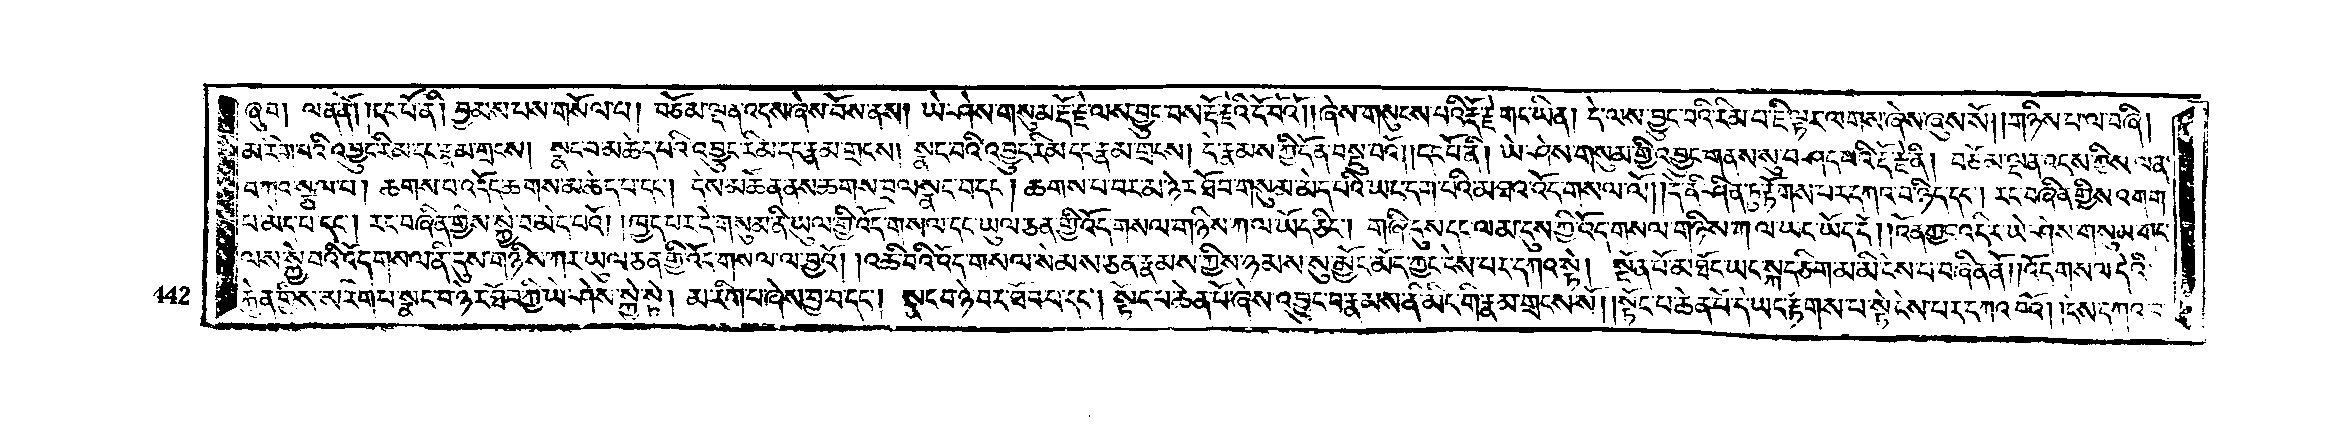ཞུ་བ། ལན་ནོ། །དང་པོ་ནི། བྱམས་པས་གསོལ་པ། བཅོམ་ལྡན་འདས་ཞེས་བོས་ནས། ཡེ་ཤེས་གསུམ་རྡོ་རྗེ་ལས་བྱུང་བས་རྡོ་རྗེའི་ངོ་བོའོ། །ཞེས་གསུངས་པའི་རྡོ་རྗེ་གང་ཡིན། དེ་ལས་བྱུང་བའི་རིམ་པ་ཇི་ལྟར་ལགས་ཞེས་ཞུས་སོ། །གཉིས་པ་ལ་བཞི།
མ་རིག་པའི་འབྱུང་རིམ་དང་རྣམ་གྲངས། སྣང་བ་མཆེད་པའི་འབྱུང་རིམ་དང་རྣམ་གྲངས། སྣང་བའི་འབྱུང་རིམ་དང་རྣམ་གྲངས། དེ་རྣམས་ཀྱི་དོན་བསྡུ་བའོ། །དང་པོ་ནི། ཡེ་ཤེས་གསུམ་གྱི་འབྱུང་གནས་སུ་བཤད་པའི་རྡོ་རྗེ་ནི། བཅོམ་ལྡན་འདས་ཀྱིས་ལན་
བཀའ་སྩལ་པ། ཆགས་པ་འདོད་ཆགས་མཆེད་པ་དང་། དེས་མཚོན་ནས་ཆགས་བྲལ་སྣང་བ་དང་། ཆགས་པ་བར་མ་ཉེར་ཐོབ་གསུམ་མེད་པའི་ཡང་དག་པའི་མཐའ་འོད་གསལ་ལོ། །དེ་ནི་ཤིན་ཏུ་རྟོགས་པར་དཀའ་བ་ཉིད་དང་། རང་བཞིན་གྱིས་འགག་
པ་མེད་པ་དང་། རང་བཞིན་གྱིས་སྐྱེ་བ་མེད་པའོ། །ཁྱད་པར་དེ་གསུམ་ནི་ཡུལ་གྱི་འོད་གསལ་དང་ཡུལ་ཅན་གྱི་འོད་གསལ་གཉིས་ཀ་ལ་ཡོད་ཅིང་། གཞི་དུས་དང་ལམ་དུས་ཀྱི་འོད་གསལ་གཉིས་ཀ་ལ་ཡང་ཡོད་དོ། །འོན་ཀྱང་འདིར་ཡེ་ཤེས་གསུམ་གང་
ལས་སྐྱེ་བའི་འོད་གསལ་ནི་དུས་གཉིས་ཀར་ཡུལ་ཅན་གྱི་འོད་གསལ་ལ་བྱའོ། །འཆི་བའི་འོད་གསལ་སེམས་ཅན་རྣམས་ཀྱིས་ཉམས་སུ་མྱོང་མོད་ཀྱང་ངེས་པར་དཀའ་སྟེ། སྔོན་པོ་མཐོང་ཡང་སྐད་ཅིག་མ་མི་ངེས་པ་བཞིན་ནོ། །འོད་གསལ་དེའི་
རྐྱེན་གྱིས་མ་རིག་པ་སྣང་བ་ཉེར་ཐོབ་ཀྱི་ཡེ་ཤེས་སྐྱེ་སྟེ། མ་རིག་པ་ཞེས་བྱ་བ་དང་། སྣང་བ་ཉེ་བར་ཐོབ་པ་དང་། སྟོང་པ་ཆེན་པོ་ཞེས་འབྱུང་བ་རྣམས་ནི་མིང་གི་རྣམ་གྲངས་སོ། །སྟོང་པ་ཆེན་པོ་དེ་ཡང་རྟོགས་པ་སྟེ་ངེས་པར་དཀའ་བའོ། །ངེས་དཀའ་བ་